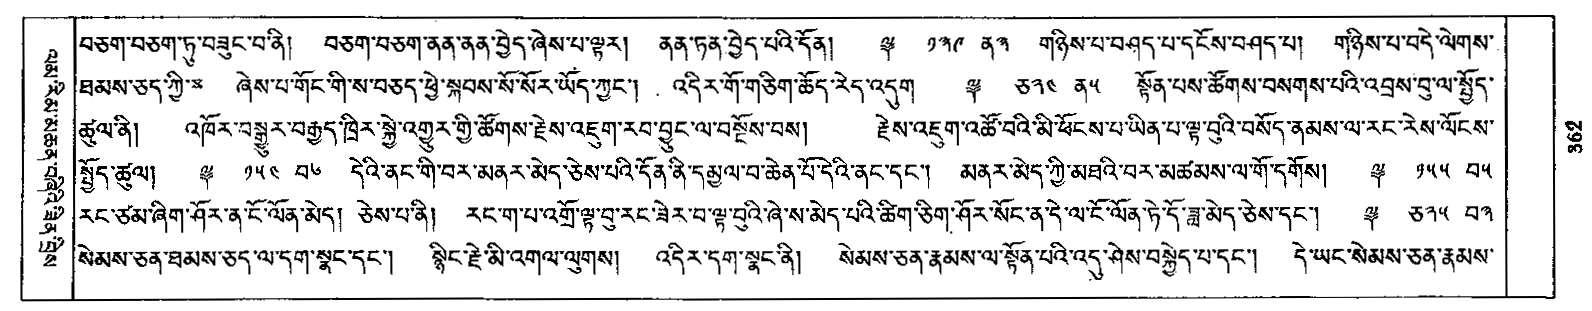བཅག་བཅག་ཏུ་བཟུང་བ་ནི། བཅག་བཅག་ནན་ནན་བྱེད་ཞེས་པ་ལྟར། ནན་ཏན་བྱེད་པའི་དོན། ༈ ༡༣༩་ན ༣་གཉིས་པ་བཤད་པ་དངོས་བཤད་པ། གཉིས་པ་བདེ་ལེགས་
ཐམས་ཅད་ཀྱི་྾་ཞེས་པ་གོང་གི་ས་བཅད་ཕྱེ་སྐབས་སོ་སོར་ཡོད་ཀྱང་། འདིར་གོ་གཅིག་ཆོད་རེད་འདུག ༈ ཅ ༢༤་ན ༥་སྟོན་པས་ཚོགས་བསགས་པའི་འབྲས་བུ་ལ་སྤྱོད་
ཚུལ་ནི། འཁོར་བསྒྱུར་བརྒྱད་ཁྲིར་སྐྱེ་འགྱུར་གྱི་ཚོགས་རྗེས་འཇུག་རབ་བྱུང་ལ་བསྔོས་བས། རྗེས་འཇུག་འཚོ་བའི་མི་ཕོངས་པ་ཡིན་པ་ལྟ་བུའི་བསོད་ནམས་ལ་རང་རེས་ལོངས་
སྤྱོད་ཚུལ། ༈ ༡༥༤་བ ༦་དེའི་ནང་གི་བར་མནར་མེད་ཅེས་པའི་དོན་ནི་དམྱལ་བ་ཆེན་པོ་དེའི་ནང་དང་། མནར་མེད་ཀྱི་མཐའི་བར་མཚམས་ལ་གོ་དགོས། ༈ ༡༥༥་བ ༥
རང་ཙམ་ཞིག་ཤོར་ན་ངོ་ལོན་མེད། ཅེས་པ་ནི། རང་ག་པ་འགྲོ་ལྟ་བུ་རང་ཟེར་བ་ལྟ་བུའི་ཞེ་ས་མེད་པའི་ཚིག་ཅིག་ཤོར་སོང་ན་དེ་ལ་ངོ་ལོན་ཏེ་དོ་ཟླ་མེད་ཅེས་དང་། ༈ ཅ ༢༥་བ ༣
སེམས་ཅན་ཐམས་ཅད་ལ་དག་སྣང་དང་། སྙིང་རྗེ་མི་འགལ་ལུགས། འདིར་དག་སྣང་ནི། སེམས་ཅན་རྣམས་ལ་སྟོན་པའི་འདུ་ཤེས་བསྐྱེད་པ་དང་། དེ་ཡང་སེམས་ཅན་རྣམས་